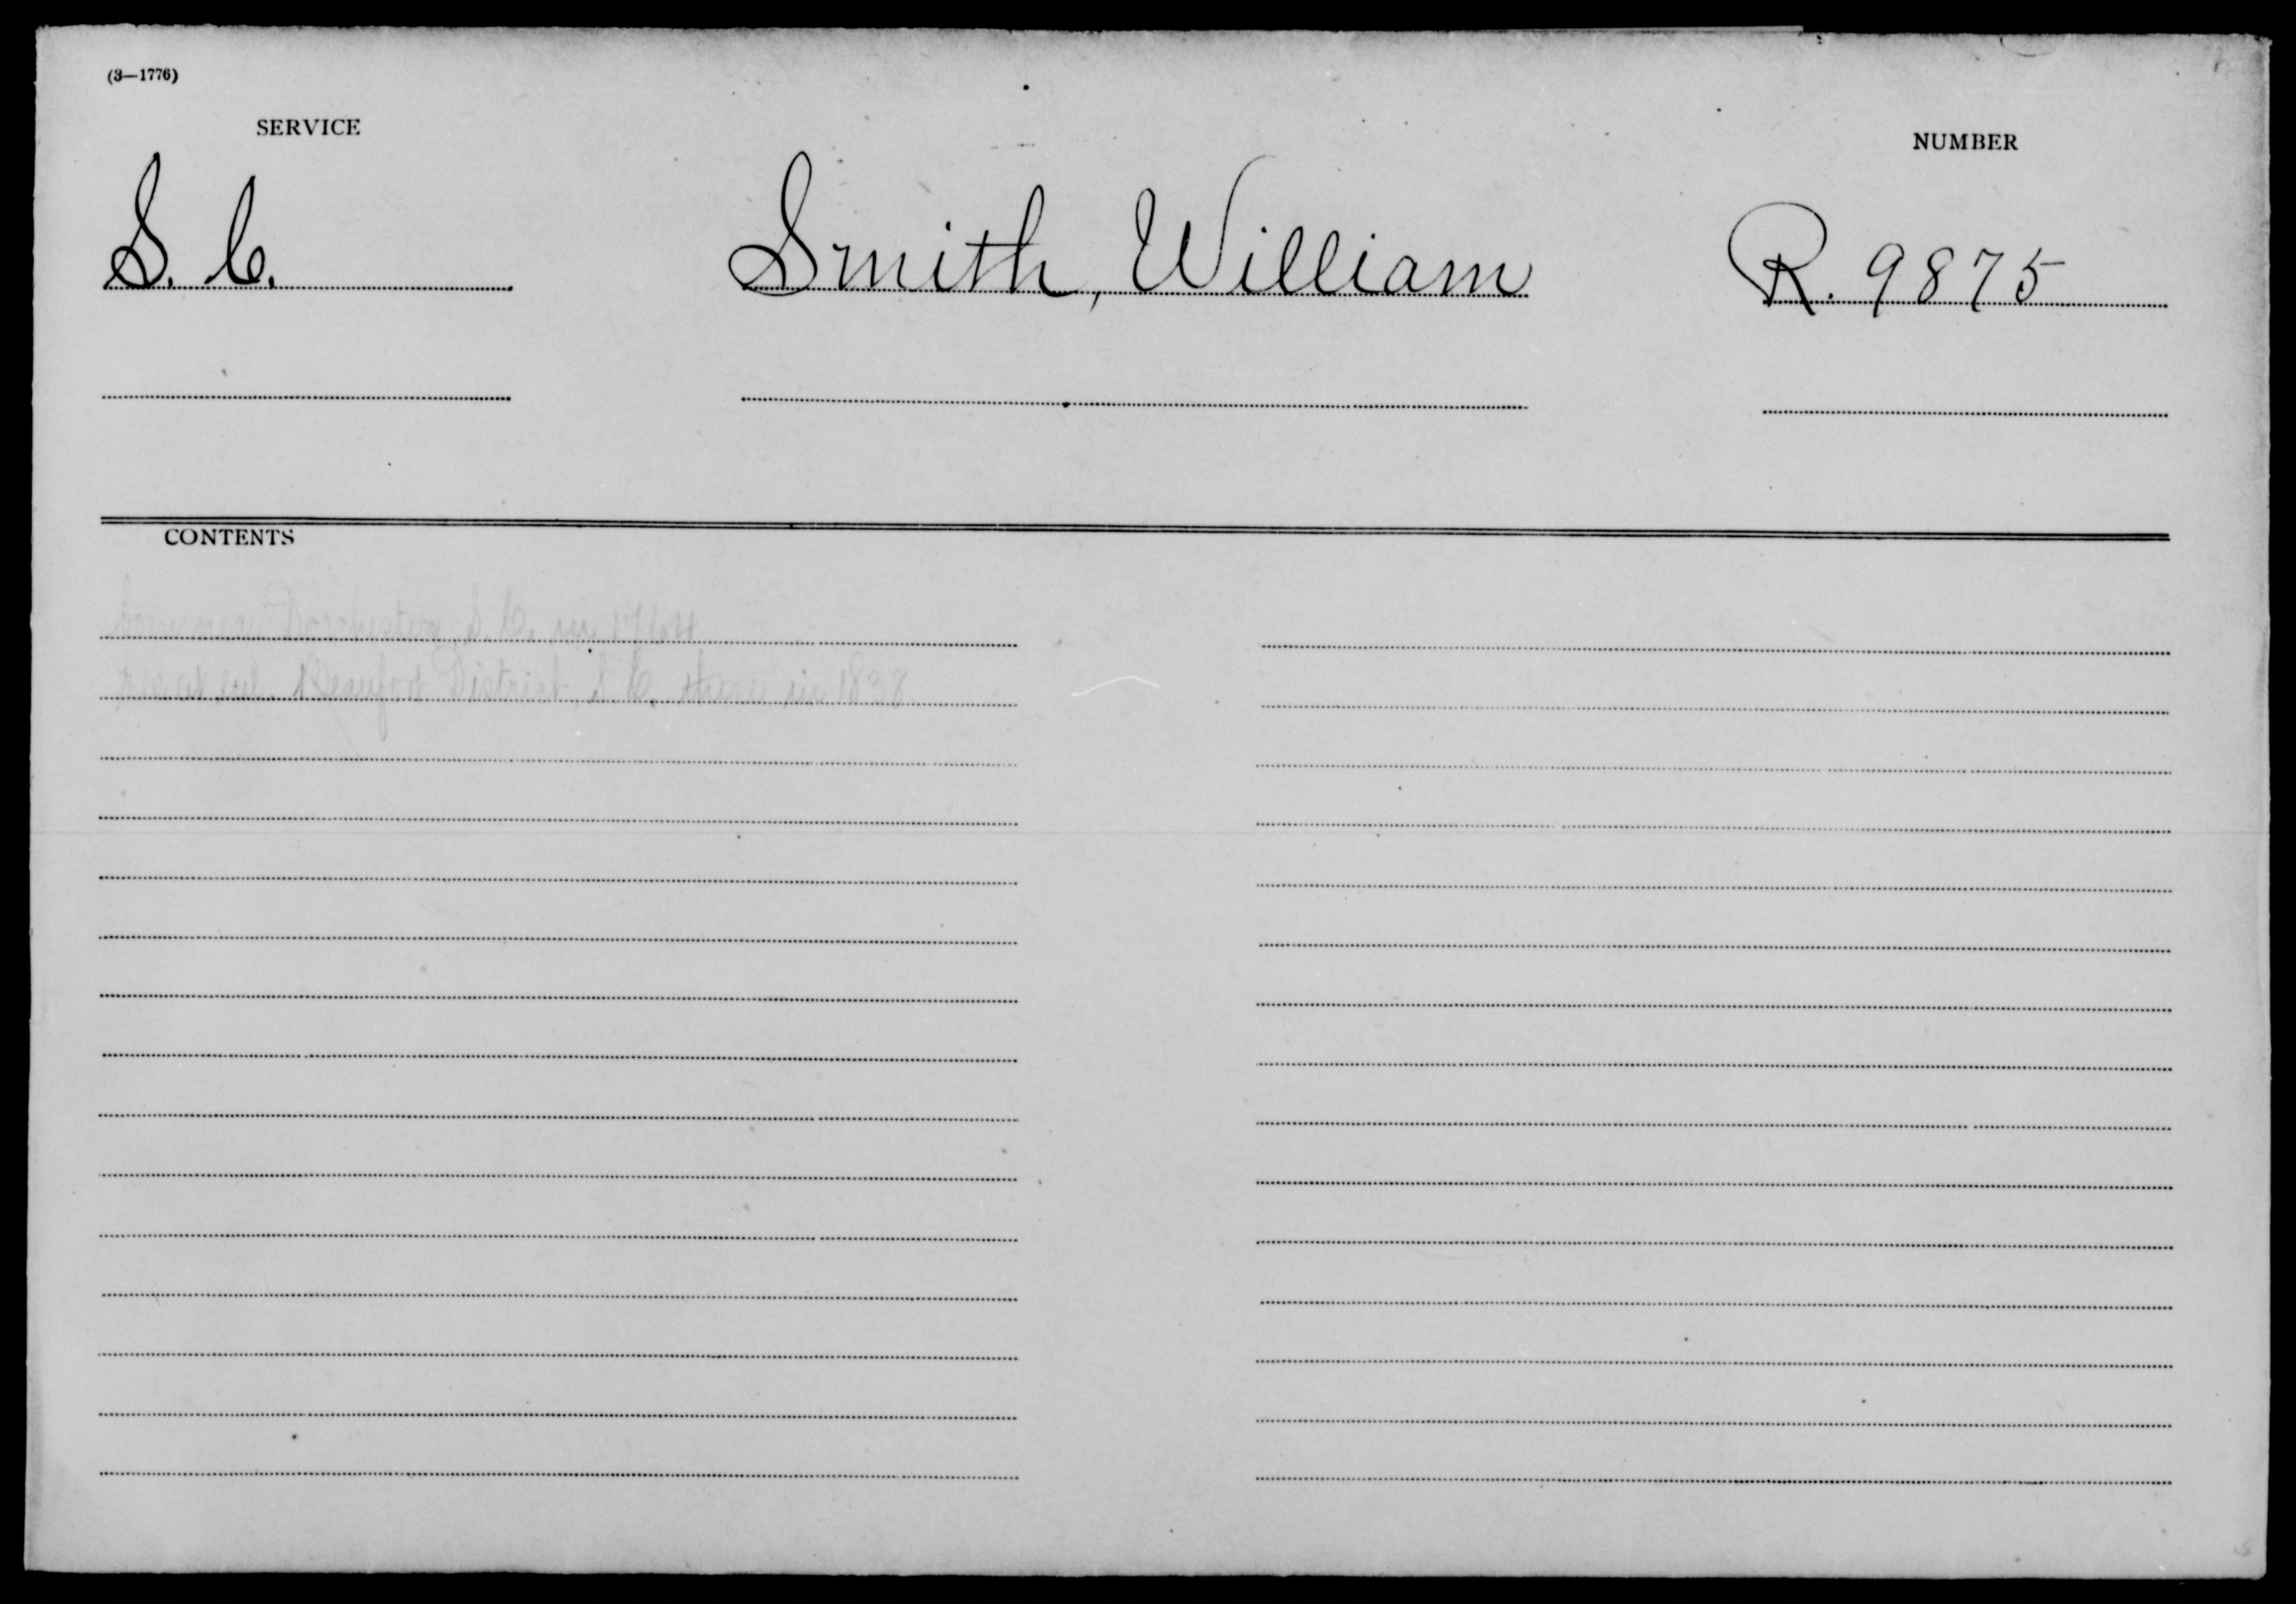(3-1776)
SERVICE
S. C.
Smith, William
NUMBER
R. 9875
CONTENTS
borne near Dorchester, S.C. in 1764
res. at enl. Beaufort District, S.C. there in 1838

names: [BLANK]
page: 1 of 21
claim: rejected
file: R. 9875, for William Smith, South Carolina